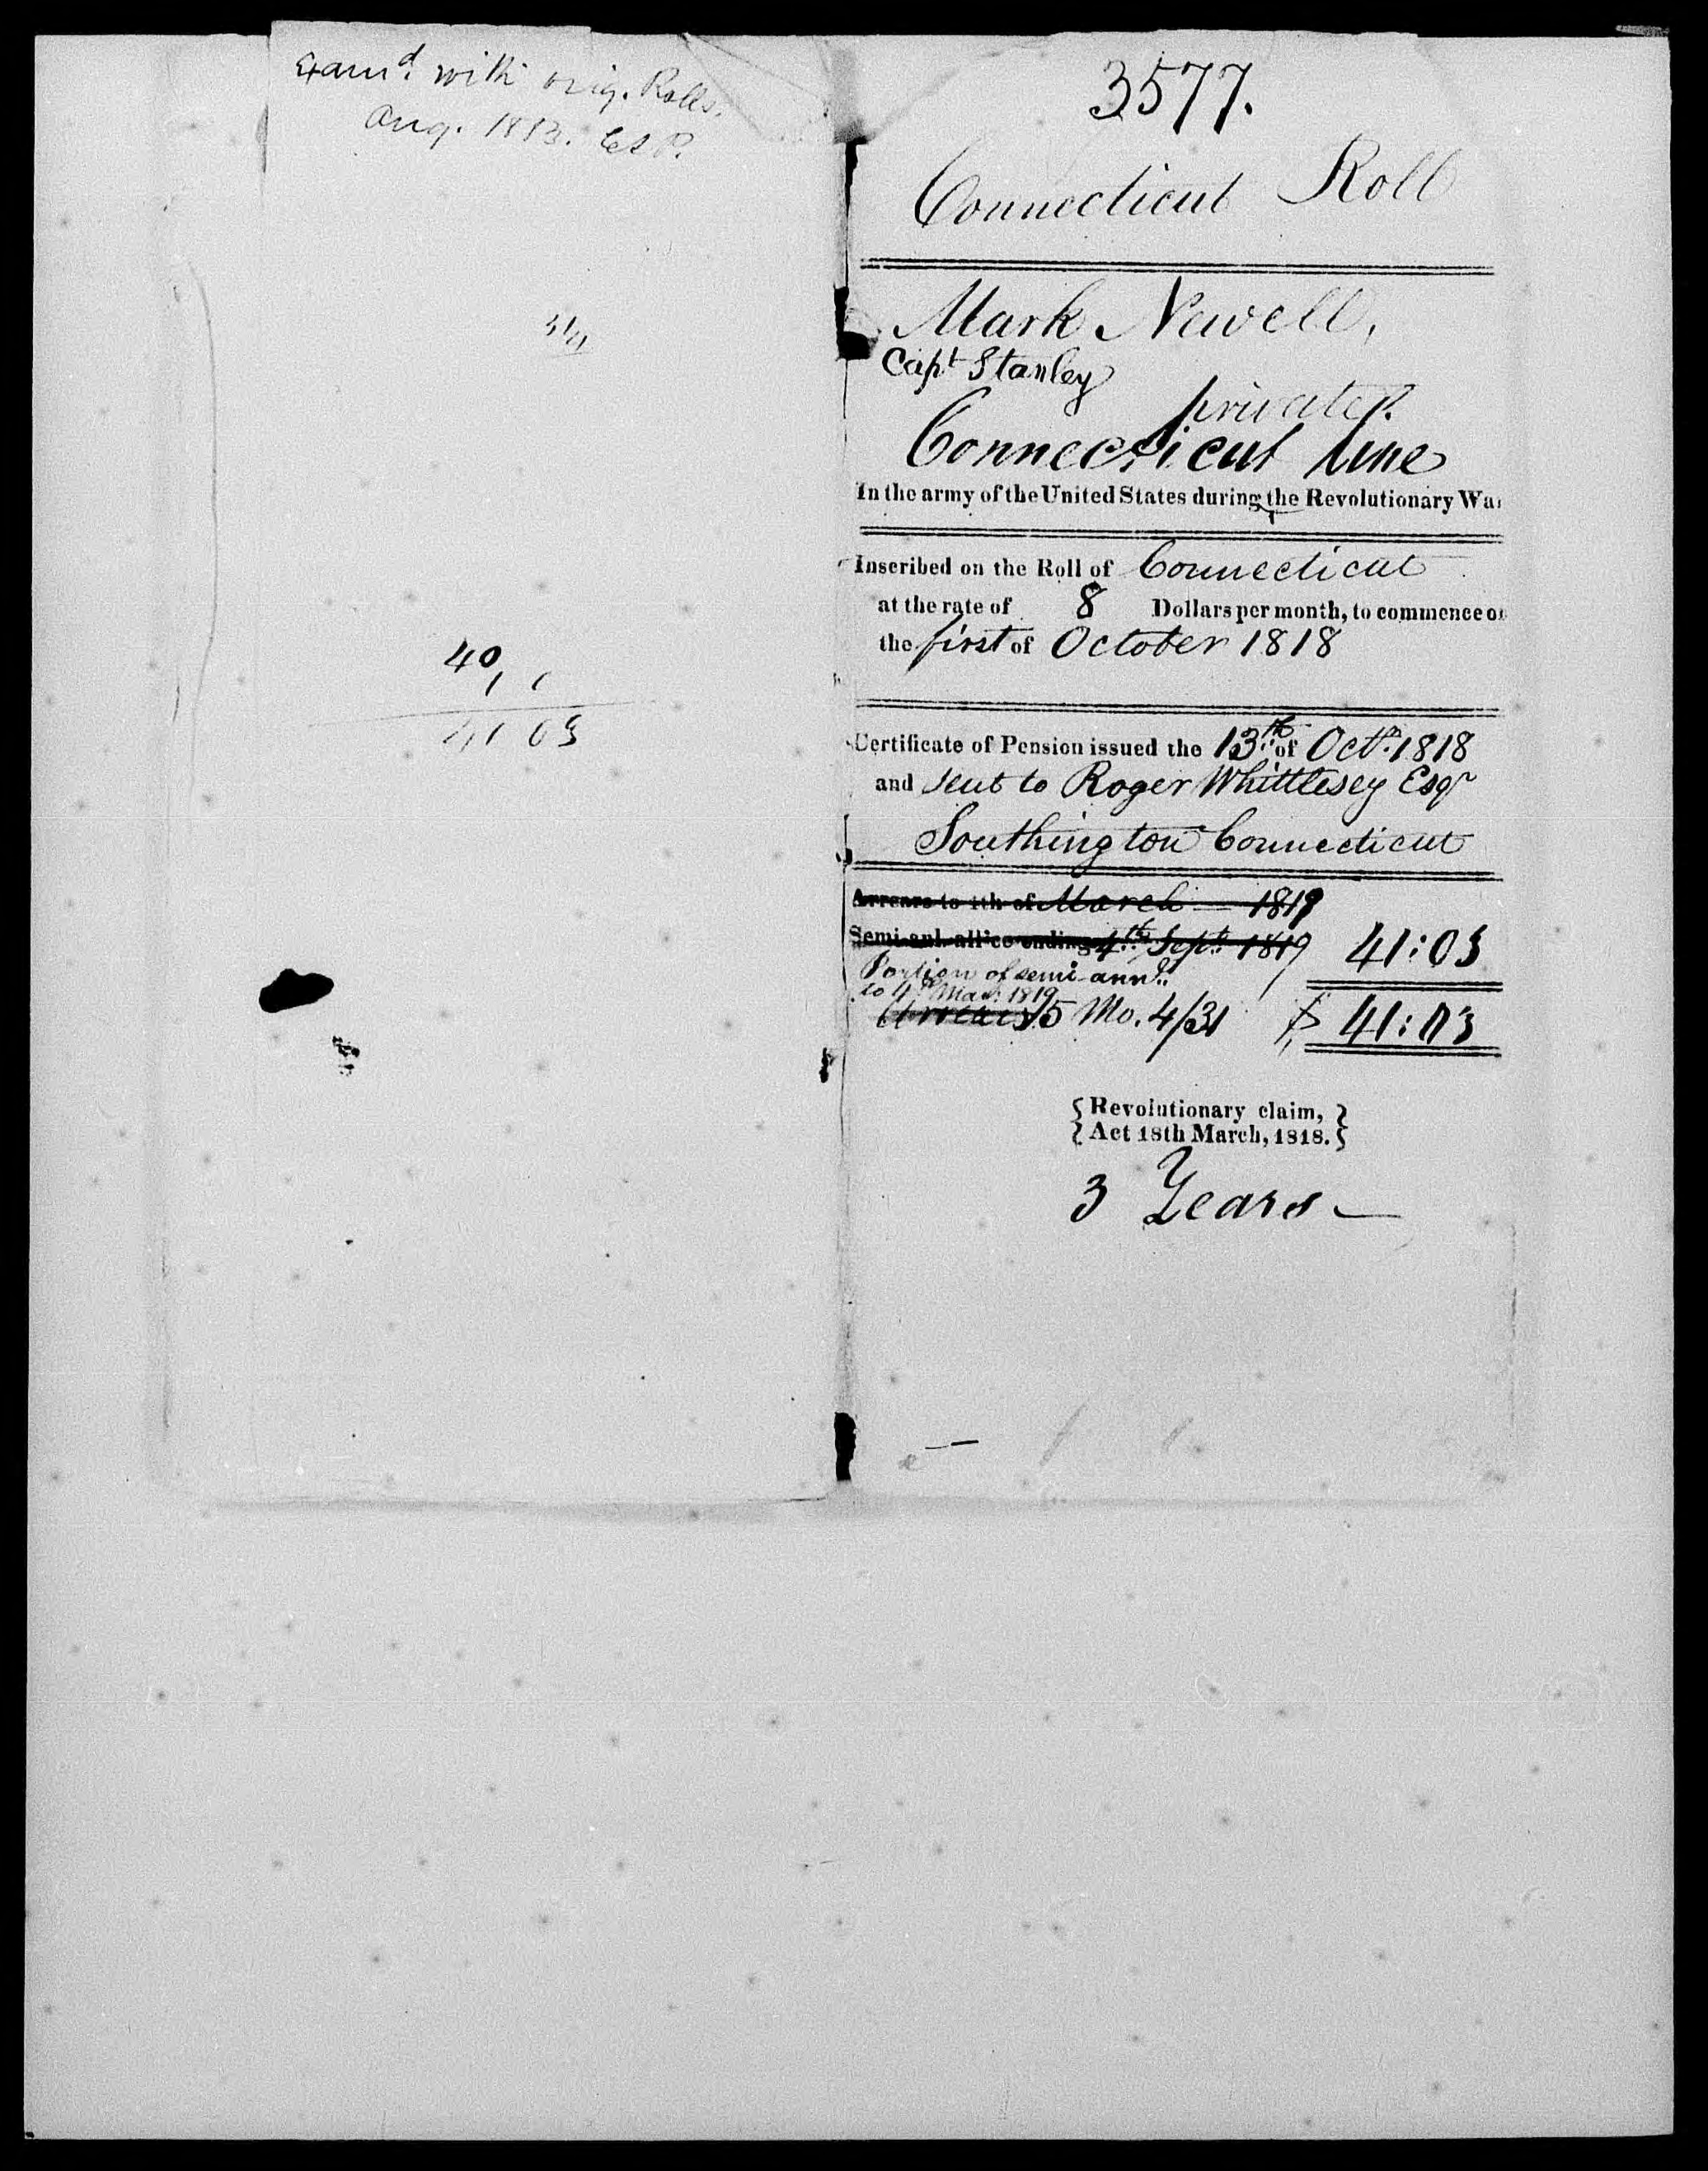[Printed document with handwritten entries]

[Left side of document]
Exam'd with orig. Rolls. Aug. 1813. ESP.
3/4
40
10
41.03

[Right side of document]
3577.
Connecticut Roll
Mark Newell
Capt. Stanley
private
Connecticut line
In the army of the United States during the Revolutionary War

Inscribed on the Roll of Connecticut at the rate of 8 Dollars per month, to commence the first of October 1818

Certificate of Pension issued the 14th of Oct. 1818 and sent to Roger Whittlesey Esqr Southington Connecticut

Pension of semi-annl. to March 1819 5 mo. 4/31
41:03
$41:03

{Revolutionary claim, Act 18th March, 1818.}

3Years-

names: Mark Newell; Roger Whittlesey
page: 2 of 9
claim: survivor's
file: S. 36190, for Mark Newell, Connecticut